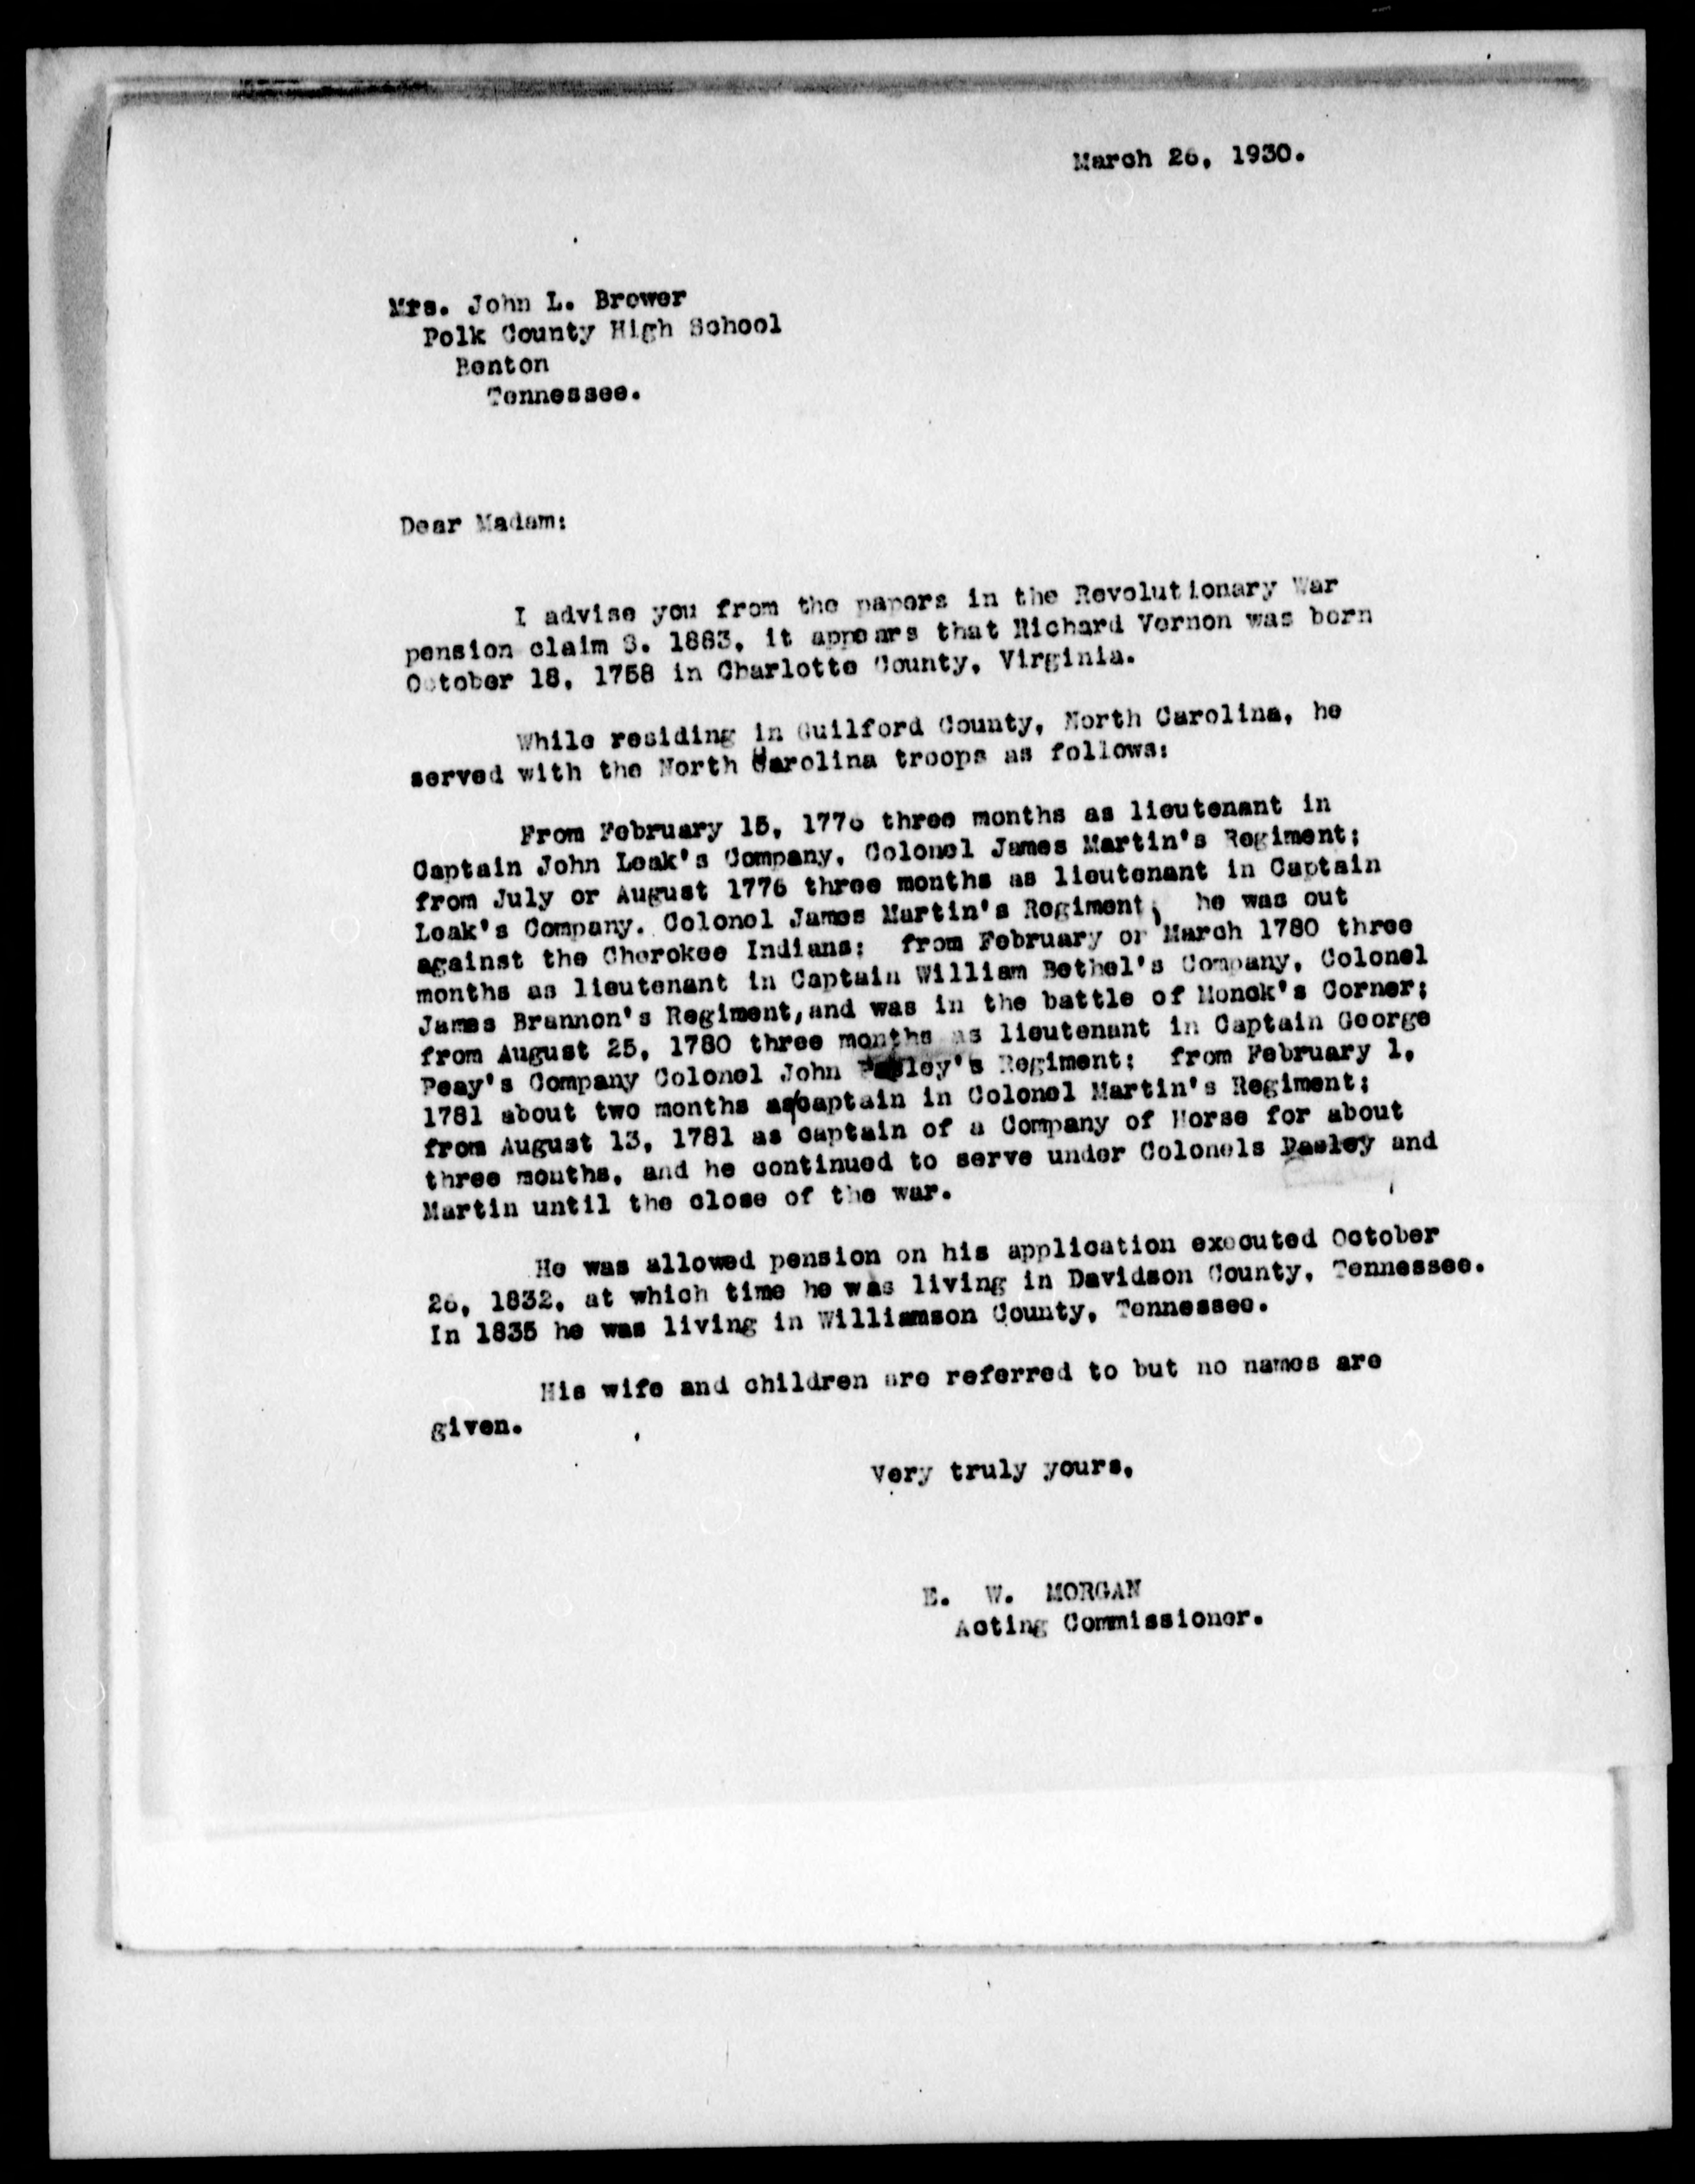March 26, 1930.

Mrs. John L. Brewer
Polk County High School
Benton
Tennessee.

Dear Madam:
I advise you from the papers in the Revolutionary War pension claim S. 1883, it appears that Richard Vernon was born October 18, 1758 in Charlotte County, Virginia.
While residing in Guilford County, North Carolina, he served with the North Carolina troops as follows:

From February 15, 1776 three months as lieutenant in Captain John Leak's Company, Colonel James Martin's Regiment; Leak's Company. Colonel James Martin's Regiment, he was out against the Cherokee Indians; from February or March 1780 three months as lieutenant in Captain William Bethel's Company, Colonel James Brannon's Regiment, and was in the battle of Monck's Corner; from August 25, 1780 three months as lieutenant in Captain George Peay's Company Colonel John Pasley's Regiment; from February 1, 17481 about two months as captain in Colonel Martin's Regiment; from August 13, 1781 as captain of a Company of Horse for about three months, and he continued to serve under Colonels Pasley and Martin until the close of the war.
He was allowed pension on his application executed October 26, 1832, at which time he was living in Davidson County, Tennessee. In 1835 he was living in Williamson County, Tennessee.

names: Richard Vernon, E W Morgan, Pasley, Martin, John L Brewer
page: 85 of 105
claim: survivor's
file: S. 1883, Richard Vernon, N.C.